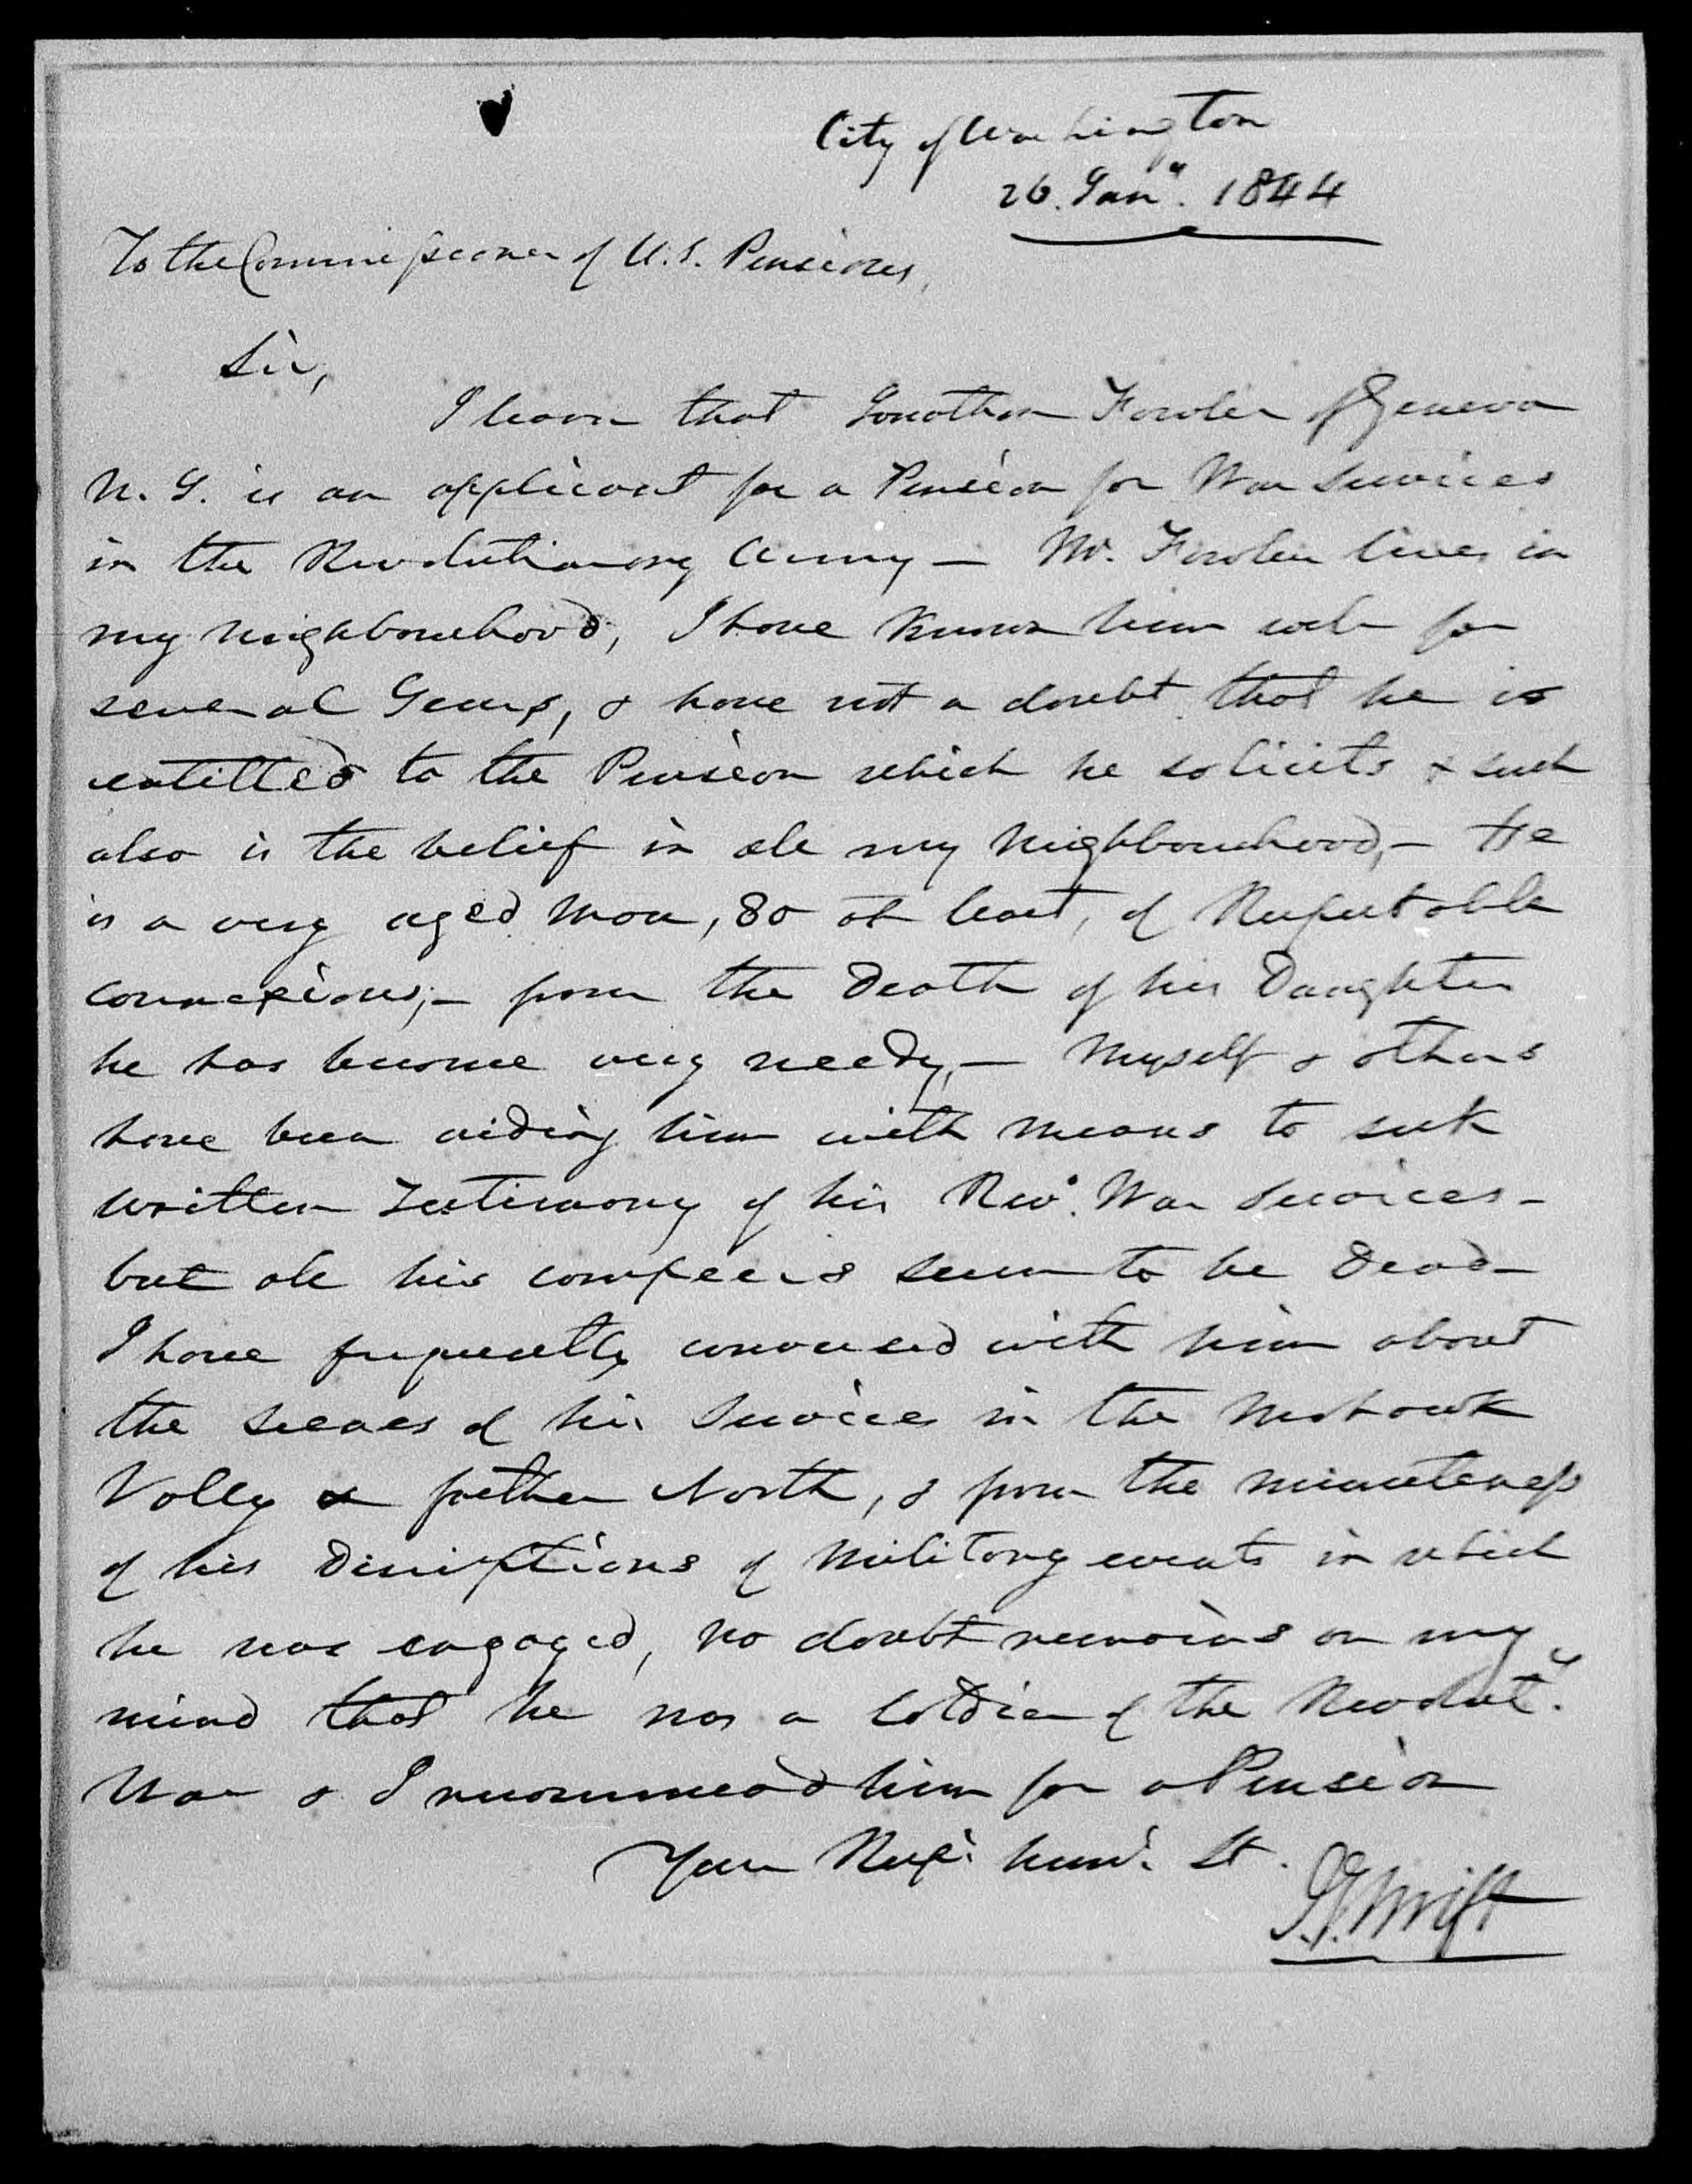City of Washington
26 Jan 1844
To the Commissioner of U.S. Pensions
Sir,
I learn that Jonathan Fowler of Geneva N.Y. is an applicant for a pension for war services in the Revolutionary Army. Mr. Fowler lives in my neighbourhood, I have known him wel for several years & have not a doubt that he is entitled to the pension which he solicits & such also is the belief in all my neighbourhood. He is a very aged man, 80 at least, of respectable [illegible], from the death of his daughter he has become very needy. Myself & others have been aiding him with means to seek written testimony of his Rev. War services, but all his [illegible] seem to be dead. I have frequently conversed with him about the [illegible] of his service in the Mohawk Valey & farther north, & from the [illegible] of his descriptions of military events in which he was engaged, no doubt remains on my mind that he was a soldier of the Revoluty. War & I recommend him for a pension.
Your [illegible] humb. St. J.G. Swift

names: J G Swift, Jonathan Fowler, Fowler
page: 25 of 44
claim: survivor's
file: S. 23639, Jonathan Fowler, New York